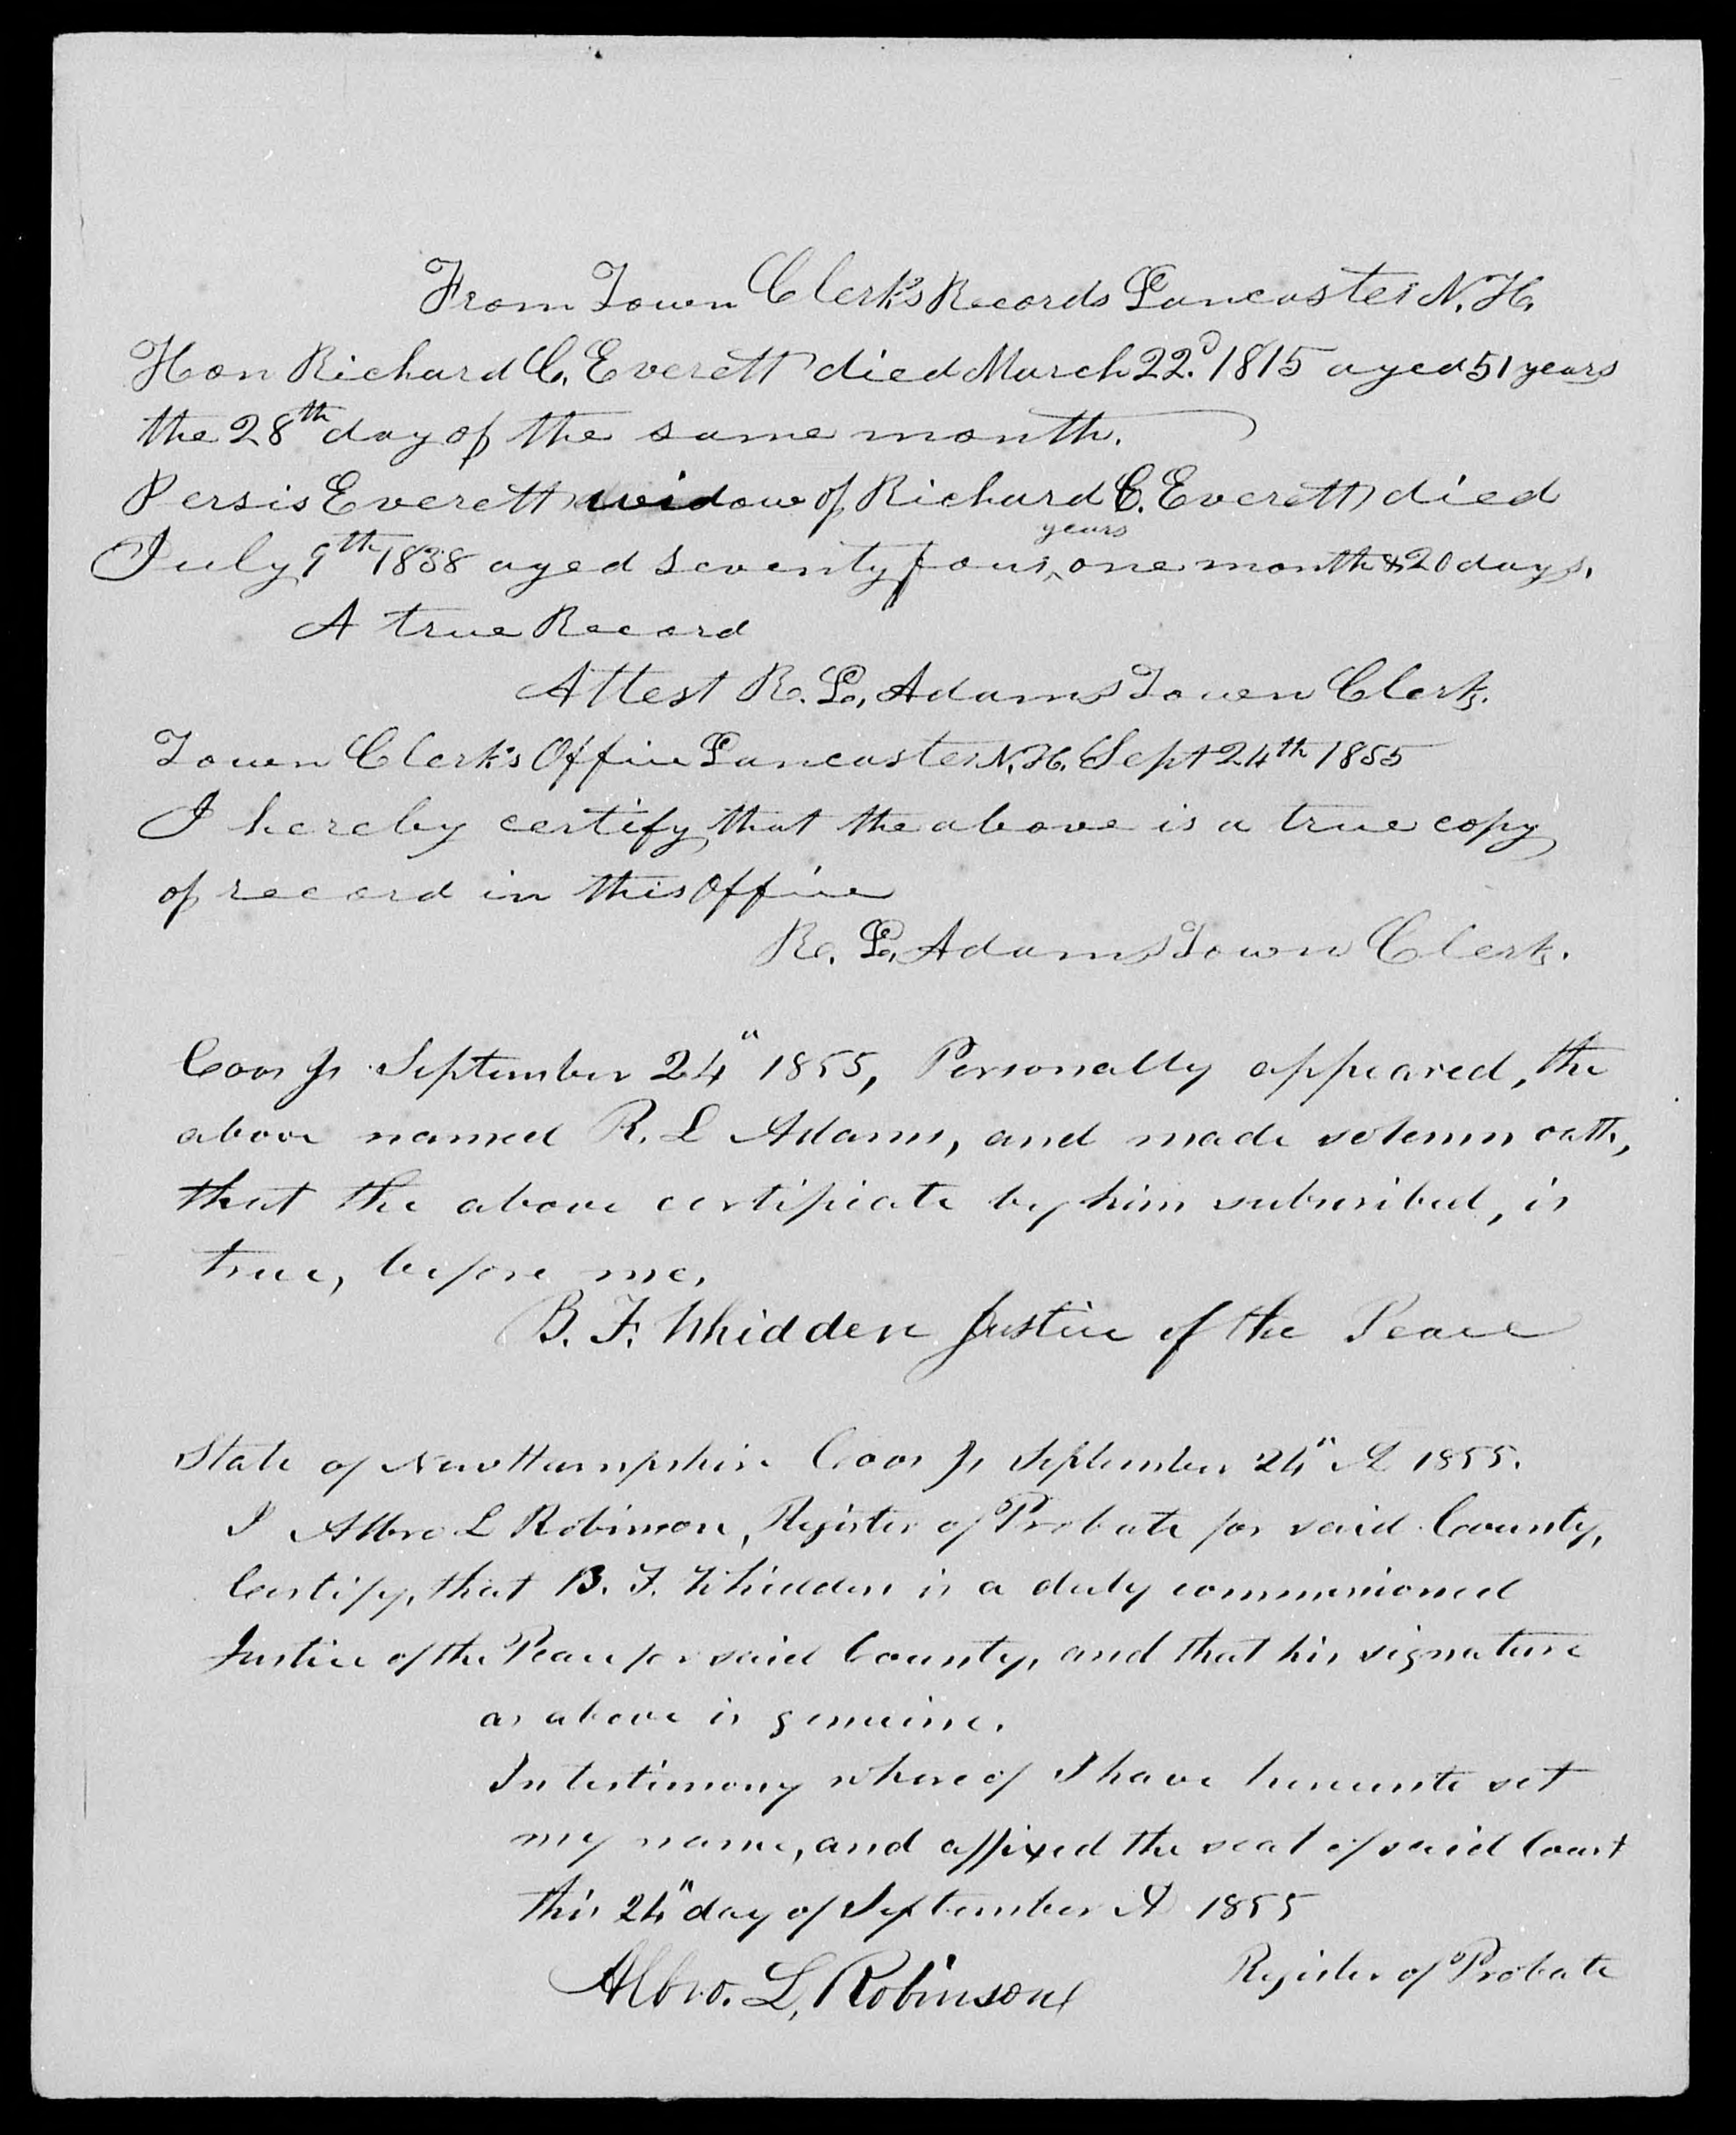From Town Clerk's Records Lancaster N.H.
Hon Richard C. Everett died March 22 1815 aged 51 years the 28th day of the same month.  Persis Everett widow of Richard C. Everett died July 9th1838 aged seventy four ^ years one month + 20 days
A true Record
Attest R. L. Adams Town Clerk.
Town Clerk's Office Lancaster N.H. Sept 24th 1855
I hereby certify that the above is a true copy of record in this Office
R. L. Adams Town Clerk
Coos ss September 24th 1855, personally appeared the above named R. L. Adams, and made solemn oath that the above certificate by him subscribed, is
true, before me,
B.F. Whidden Justice of the Peace
State of New Hampshire Corn September 24th 1855.
State of New Hampshire Coos ss September 24th A. 1855
I Albro L Robinson, Register of Probate for said County Certify that B.F. Whidden is a duly commissioned Justice of the Peace for said County, and that his signature as above is genuine
In testimony whereof I have hereunto set my name and affixed the seal of said Court this 24th day of September AD 1855
Albro L. Robinson
Register of Probate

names: R L Adams, Albro L Robinson, Richard C Everett, Persis Everett, B F Whidden, Albro L Robinson, B F Whidden, R L Adams, R L Adams, Richard C Everett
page: 40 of 59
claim: widow's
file: W. 23017, Richard Clair Everett, Mass.